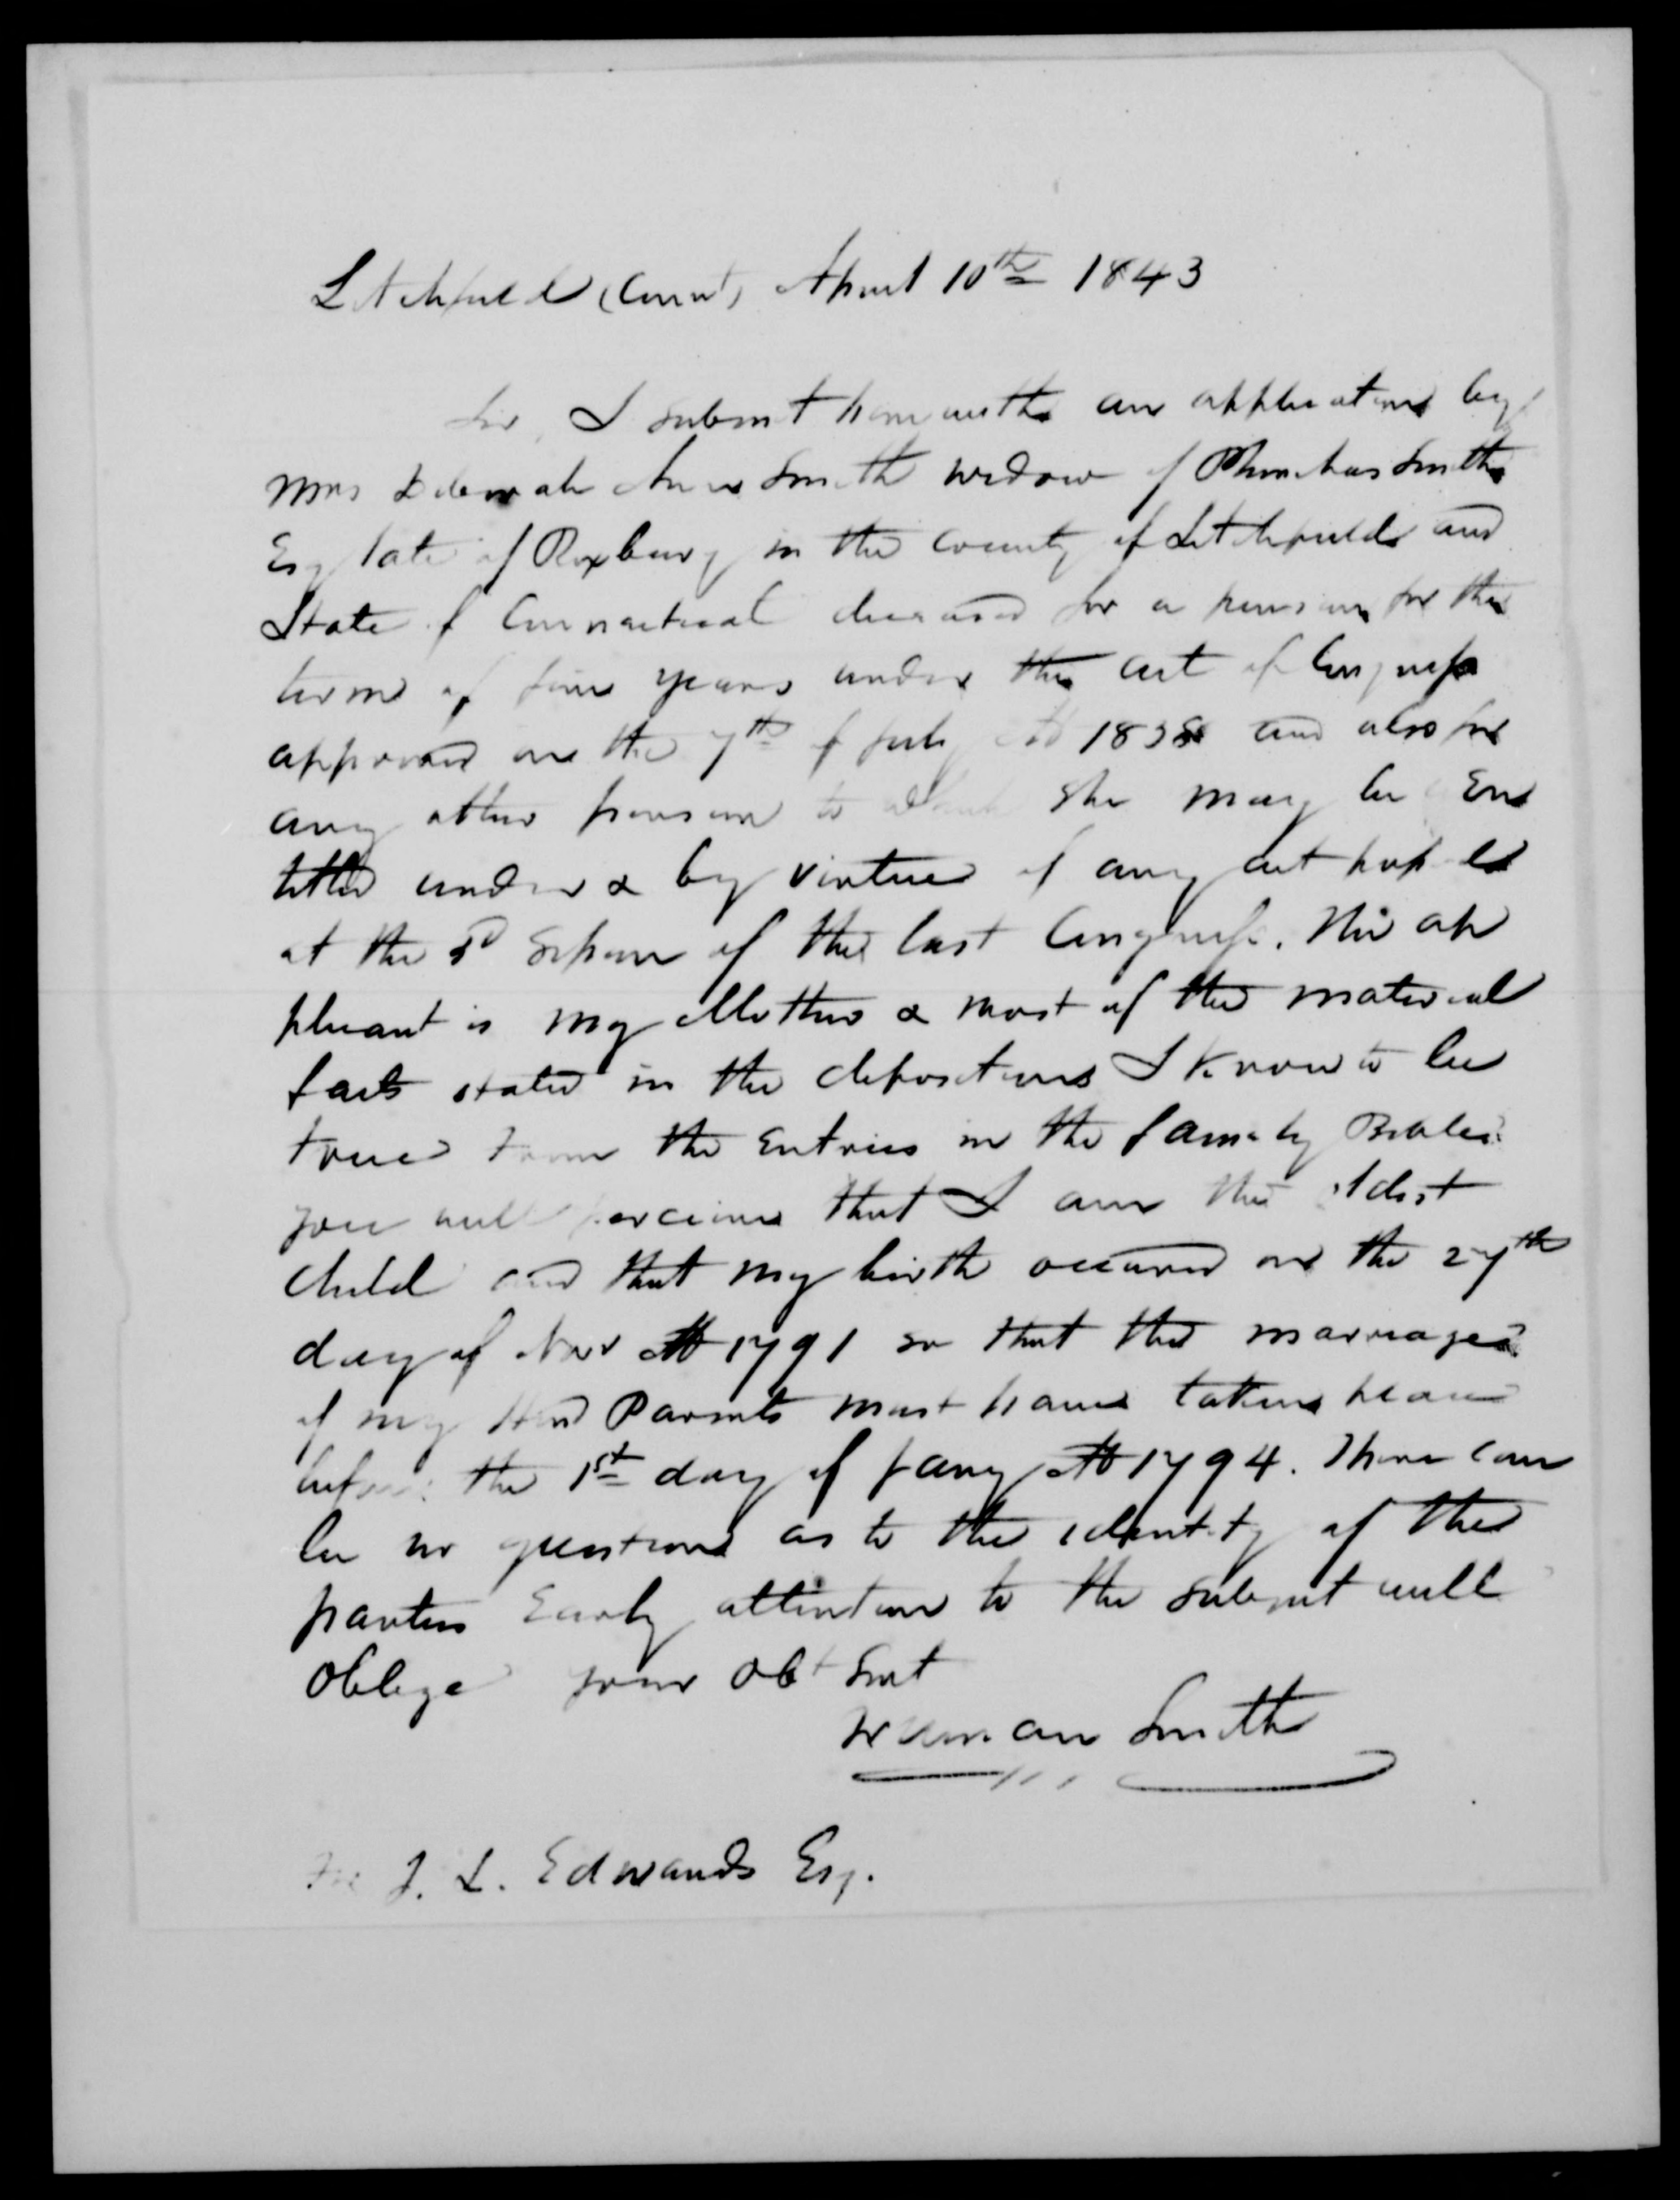Litchfield County April 10th 1843 
Sir  I submit herewith an application by Mrs Deborah Ann Smith widow of Phinehas Smith late of Roxbury in the County of Litchfield and State of Connecticut deceased for a pension for the term of five years under the act of Congress approved on the 7th July 1838 and also any other pension to which she may be entitled under & by virtue of any act pass at the said session of the last Congress.  The applicant is my mother & most of the material facts stated in the depositions I know to be true & from the entries in the family Bible you will perceive that I am the first child and that my birth occured on the 27th day of Nov AD 1791 so that the marriage of my and parents must have taken have place before the 1st day of Jany AD 1794. There can be no question as to the identity of the parties.   Early attention to the subject will oblige your obt svt
Truman Smith 
Hon J. L. Edwards Esq.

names: Phinehas Smith; Truman Smith; Deborah Ann Smith; J L Edwards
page: 42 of 55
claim: widow's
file: W. 11480, for Phinehas Smith, Connecticut